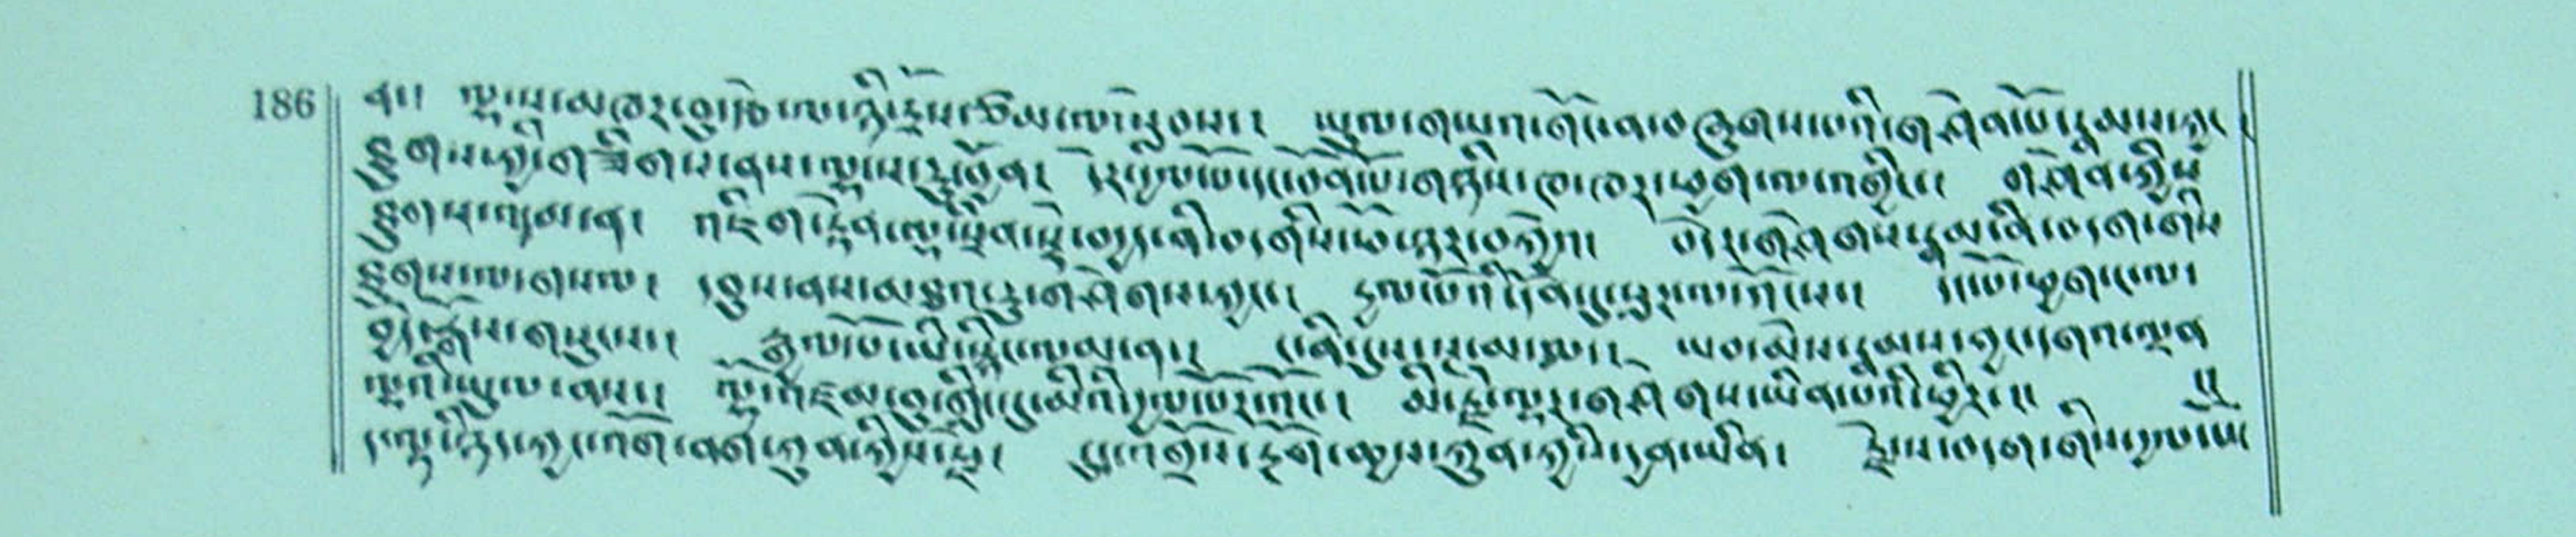ན། ལྷ་ས་མཁར་དབུའི་རྩེ་ལ་ཉི་དྲོས་ཙམ་ལ་སླེབས། ཡུལ་གཡའ་གོང་ན་བཞུགས་པའི་གཤེན་པོ་རྣམས་ཀྱང་། 
ཐུགས་ཀྱི་གཟིགས་ནས་ལྷ་ས་རུ་བྱོན། དེར་རྒྱལ་པོ་དང་བོན་པོ་གཉིས་ཁ་ཁར་ཕྱག་ལ་འགྱིང་། གཤེན་གྱི་
ཐུགས་འདམ་ན། འཇིག་རྟེན་ལྷ་སྲིན་སྡེ་བརྒྱད་ནི་བདག་གིས་ཕོ་ཉར་བཀྱེའོ། །བདེར་གཤེགས་རྣམས་ནི་བདག་གིས་
ཐུགས་ལ་གསལ། དབུས་ནས་མཐའ་རུ་གཤེགས་ཀྱང་། རྒྱལ་བོའི་དོན་དུ་སླར་ལ་འོངས། དང་པོ་ཕྱག་ང་ལ་
བྱེད་རྒོས་གསུང་། རྒྱལ་བོ་ཡི་སྙིང་ལམ་ན། ང་ནི་དུས་སྔ་མ་ལ། ཡབ་མེས་རྣམས་ཀྱང་དགའ་ལྡན་
ལྷའི་ཡུལ་ནས། ལྷོ་འཛམ་བུ་གླིང་དུ་མིའི་རྒྱལ་པོར་འོང་། མི་རྗེ་ལྷར་གཤེགས་ཡིན་པའི་ཕྱིར།
 ད་ལྟ་ཉིད་ཀྱང་མགོ་ནག་ཀུན་ཀྱི་རྗེ། དུད་འགྲོས་རྔོག་ཆགས་ཀུན་ཀྱི་རྒྱན་ཡིན། རྗེ་ས་བདག་གིས་རྒྱལ་པོ་